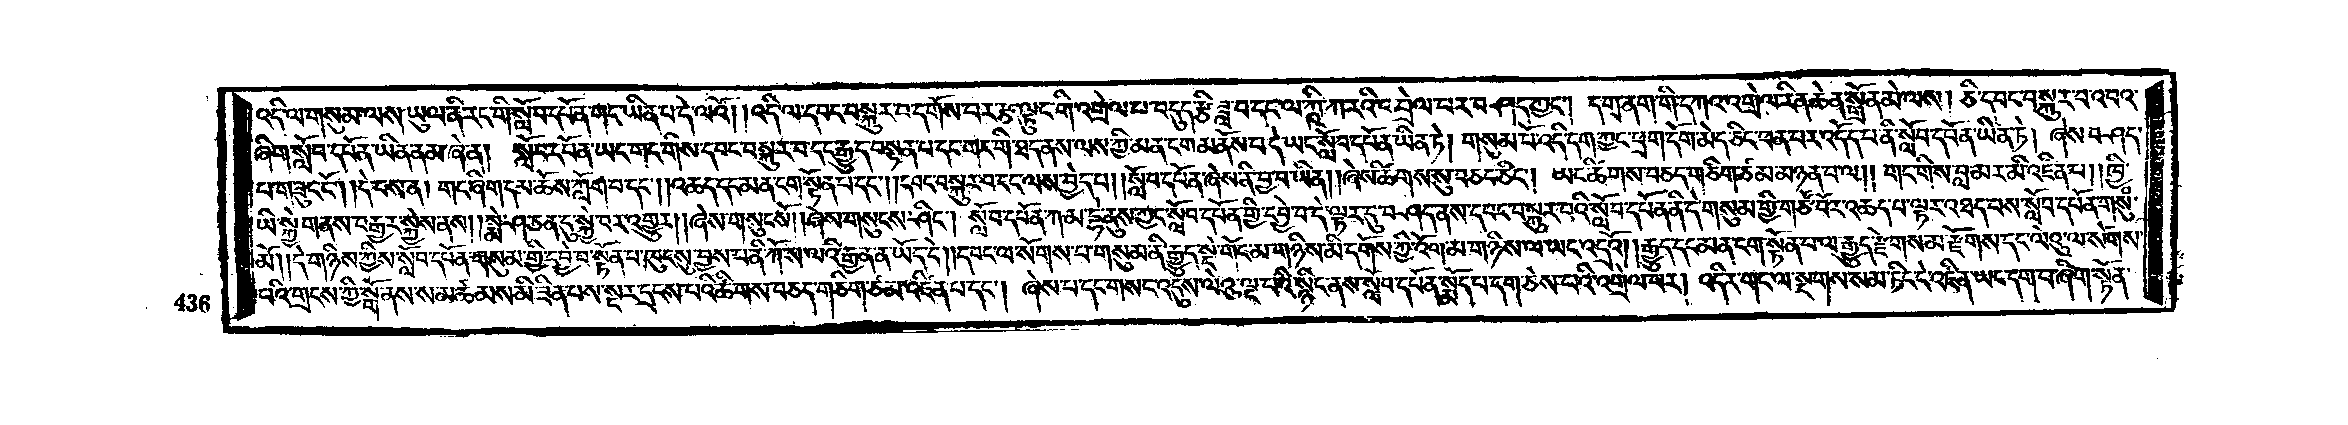འདི་ལ་གསུམ་ལས་ཡུལ་ནི་རང་གི་སློབ་དཔོན་གང་ཡིན་པ་དེ་ལའོ། །འདི་ལ་དབང་བསྐུར་བ་དགོས་པར་རྩ་ལྟུང་གི་འགྲེལ་པ་བདུད་རྩི་ཟླ་བ་དང་ལ་ཀྵི་ཀ་རའི་འབྲེལ་པར་བཤད་ཀྱང་། དགྲ་ནག་གི་དཀའ་འགྲེལ་རིན་ཆེན་སྒྲོན་མེ་ལས། ཅི་དབང་བསྐུར་བ་འབའ་
ཞིག་སློབ་དཔོན་ཡིན་ནམ་ཞེ་ན། སློབ་དཔོན་ཡང་གང་གིས་དབང་བསྐུར་བ་དང་རྒྱུད་བསྟན་པ་དང་གང་གི་ཐད་ནས་ལས་ཀྱི་མན་ངག་མནོས་པ་དེ་ཡང་སློབ་དཔོན་ཡིན་ཏེ། གསུམ་པོ་འདི་དག་ཀྱང་ཕྲག་དོག་མེད་ཅིང་ཕན་པར་འདོད་པ་ནི་སློབ་དཔོན་ཡིན་ཏེ། ཞེས་བཤད་
པ་གཟུང་ངོ། །དེ་བས་ན། གང་ཞིག་དམ་ཆོས་ཀློག་པ་དང་། །འཆད་དང་མན་ངག་སྟོན་པ་དང་། །དབང་བསྐུར་བ་དང་ལས་བྱེད་པ། །སློབ་དཔོན་ཞེས་ནི་བྱ་བ་ཡིན། །ཞེས་ཚིགས་སུ་བཅད་ཅིང་། ཡང་ཚིགས་བཅད་གཅིག་ཙམ་མཉན་པ་ལ། །གང་གིས་བླ་མར་མི་འཛིན་པ། །ཁྱི་
ཡི་སྐྱེ་གནས་བརྒྱར་སྐྱེས་ནས། །སྨེ་ཤ་ཅན་དུ་སྐྱེ་བར་འགྱུར། །ཞེས་གསུངས་སོ། །ཞེས་གསུངས་ཤིང་། སློབ་དཔོན་ཀ་མ་དྷེ་ནུས་ཀྱང་སློབ་དཔོན་གྱི་དབྱེ་བ་དེ་ལྟར་དུ་བཤད་ནས་དབང་བསྐུར་བའི་སློབ་དཔོན་ནི་དེ་གསུམ་གྱི་གཙོ་བོར་འཆད་པ་ལྟར་འཐད་པས་སློབ་དཔོན་གསུམ་
མོ། །དེ་གཉིས་ཀྱིས་སློབ་དཔོན་གསུམ་གྱི་དབྱེ་བ་སྟོན་པ་ཁུངས་སུ་བྱས་པ་ནི་ཀོ་ས་ལའི་རྒྱན་ན་ཡོད་དེ། །དབང་ལ་སོགས་པ་གསུམ་ནི་རྒྱུད་སྡེ་གོང་མ་གཉིས་མི་དགོས་ཀྱི་འོག་མ་གཉིས་ལ་ཡང་འདྲའོ། །རྒྱུད་དང་མན་ངག་སྟོན་པ་ལ་རྒྱུད་རྫེགས་མ་རྫོགས་དང་ལེའུ་ལ་སོགས་
པའི་གྲངས་ཀྱི་སྒོ་ནས་ས་མཚམས་མི་ཟིན་པས་སྔར་དྲངས་པའི་ཚིགས་བཅད་གཅིག་ཙམ་འཛིན་པ་དང་། ཞེས་པ་དང་གསང་འདུས་ལེའུ་ལྔ་པའི་སྙིང་ནས་སློབ་དཔོན་སྨོད་པ་དག་ཅེས་པའི་འགྲེལ་པར། འདིར་གང་ལ་སྔགས་སམ་ཏིང་ངེ་འཛིན་ཡང་དག་པ་ཞིག་སྟོན་